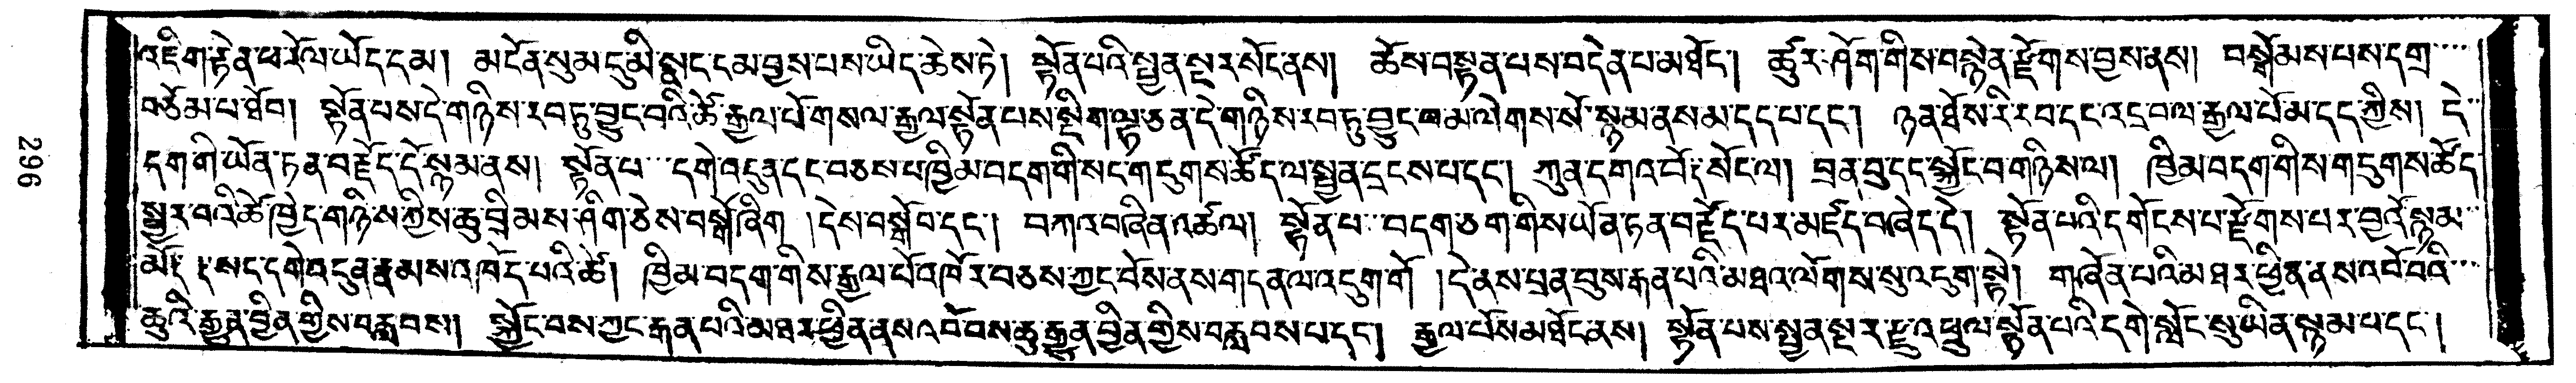འཇིག་རྟེན་ཕ་རོལ་ཡོད་དམ། མངོན་སུམ་དུ་མི་སྣང་ངམ་བྱས་པས་ཡིད་ཆེས་ཏེ། སྟོན་པའི་སྤྱན་སྔར་སོང་ནས། ཆོས་བསྟན་པས་བདེན་པ་མཐོང་། ཚུར་ཤོག་གིས་བསྙེན་རྫོགས་བྱས་ནས། བསྒོམས་པས་དགྲ་
བཅོམ་པ་ཐོབ། སྟོན་པས་དེ་གཉིས་རབ་ཏུ་བྱུང་བའི་ཚེ་རྒྱལ་པོ་གསལ་རྒྱལ་སྟོན་པས་སྡིག་ལྟ་ཅན་དེ་གཉིས་རབ་ཏུ་བྱུང་བ་མ་ལེགས་སོ་སྙམ་ནས་མ་དད་པ་དང་། ཉན་ཐོས་རི་རབ་དང་འདྲ་བ་ལ་རྒྱལ་པོ་མ་དད་ཀྱིས། དེ་
དག་གི་ཡོན་ཏན་བརྗོད་དོ་སྙམ་ནས། སྟོན་པ་དགེ་འདུན་དང་བཅས་པ་ཁྱིམ་བདག་གི་སང་གདུགས་ཚོད་ལ་སྤྱན་དྲངས་པ་དང་། ཀུན་དགའ་བོ༑ སོང་ལ། བྲན་བུ་དང་སྐྱོང་བ་གཉིས་ལ། ཁྱིམ་བདག་གིས་གདུགས་ཚོད་
སྦྱར་བའི་ཚེ་ཁྱེད་གཉིས་ཀྱིས་ཆུ་བྲིམས་ཤིག་ཅེས་བསྒོ་ཞིག །དེས་བསྒོ་བ་དང་། བཀའ་བཞིན་འཚལ། སྟོན་པ་བདག་ཅག་གིས་ཡོན་ཏན་བརྗོད་པར་མཛད་བཞེད་དེ། སྟོན་པའི་དགོངས་པ་རྫོགས་པར་བྱའོ་སྙམ་
མོ༑ ༑སང་དགེ་འདུན་རྣམས་འཁོད་པའི་ཚེ། ཁྱིམ་བདག་གིས་རྒྱལ་པོ་འཁོར་བཅས་ཀྱང་བོས་ནས་གདན་ལ་འདུག་གོ །དེ་ནས་བྲན་བུས་རྒན་པའི་མཐའ་ལོགས་སུ་འདུག་སྟེ། གཞོན་པའི་མཐར་ཕྱིན་ནས་འབོ་བའི་
ཆུའི་རྒྱུན་བྱིན་གྱིས་བརླབས། སྐྱོང་བས་ཀྱང་རྒན་པའི་མཐར་ཕྱིན་ནས་འབོ་བས་ཆུ་རྒྱུན་བྱིན་གྱིས་བརླབས་པ་དང་། རྒྱལ་པོས་མཐོང་ནས། སྟོན་པས་སྤྱན་སྔར་རྫུ་འཕྲུལ་སྟོན་པའི་དགེ་སློང་སུ་ཡིན་སྙམ་པ་དང་།